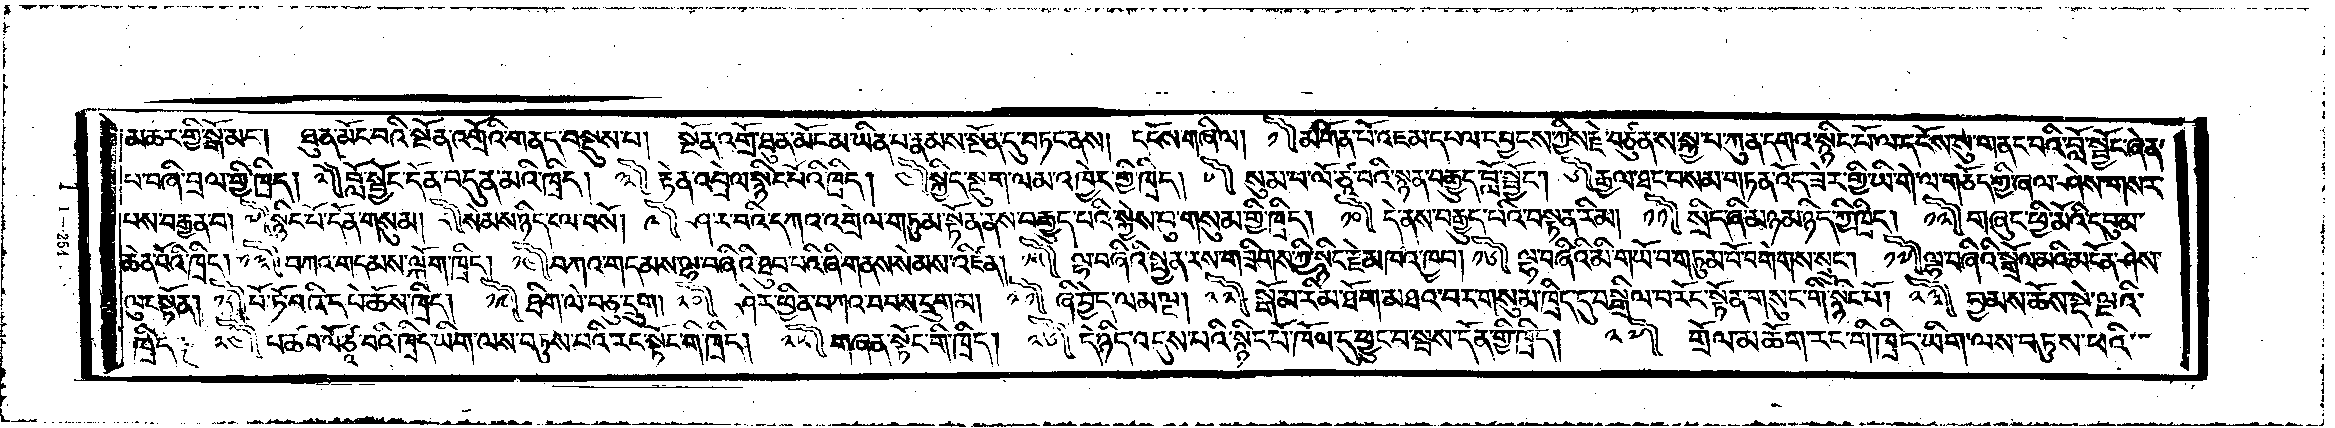མཆར་གྱི་སྒོ་མང་། ཐུན་མོང་བའི་སྔོན་འགྲོའི་གནད་བསྡུས་པ། སྔོན་འགྲོ་ཐུན་མོང་མ་ཡིན་པ་རྣམས་སྔོན་དུ་བཏང་ནས། དངོས་གཞི་ལ། ༡༼༽ མགོན་པོ་འཇམ་དཔལ་དབྱངས་ཀྱིས་རྗེ་བཙུན་ས་སྐྱ་པ་ཀུན་དགའ་སྙིང་པོ་ལ་དངོས་སུ་གནང་བའི་བློ་སྦྱོང་ཞེ་ན་
པ་བཞི་བྲལ་གྱི་ཁྲིད། ༢༼༽ བློ་སྦྱོང་དོན་བདུན་མའི་ཁྲིད། ༣༼༽ རྟེན་འབྲེལ་སྙིང་པོའི་ཁྲིད། ༤༼༽ སྐྱིད་སྡུག་ལམ་འཁྱེར་གྱི་ཁྲིད། ༥༼༽ སུམ་པ་ལོ་ཙཱ་བའི་སྙན་བརྒྱུད་བློ་སྦྱོང་། ༦༼༽ རྒྱལ་ཐང་བསམ་གཏན་འོད་ཟེར་གྱི་ཡི་གེ་ལ་གཅོད་གྱི་ཞལ་ཤེས་གསར་
པས་བརྒྱན་བ། ༧༼༽ སྙིང་པོ་དོན་གསུམ། ༨༼༽ སེམས་ཉིད་ངལ་བསོ། ༩༼༽ ཤ་ར་བའི་དཀའ་འགྲེལ་གཏུམ་སྟོན་ནས་བརྒྱུད་པའི་སྐྱེས་བུ་གསུམ་གྱི་ཁྲིད། ༡༠༼༽ དེ་ནས་བརྒྱུད་པའི་བསྟན་རིམ། ༡༡༼༽ སྲིད་ཞི་མཉམ་ཉིད་ཀྱི་ཁྲིད། ༡༢༼༽ གཞུང་ཕྱི་མོའི་དབུ་མ་
ཆེན་བོའི་ཁྲིད། ༡༣༼༽ བཀའ་གདམས་ལྐོག་ཁྲིད། ༡༤༼༽ བཀའ་གདམས་ལྷ་བཞིའི་ཐུབ་པའི་ཞི་གནས་སེམས་འཛིན། ༡༥༼༽ ལྷ་བཞིའི་སྤྱན་རས་གཟིགས་ཀྱི་སྙིང་རྗེ་མཁའ་ཁྱབ། ༡༦༼༽ ལྷ་བཞིའི་མི་གཡོ་བ་གཏུམ་པོ་བགེགས་སྲུང་། ༡༧༼༽ ལྷ་བཞིའི་སྒྲོལ་མའི་མངོན་ཤེས་
ལུང་སྟོན། ༡༨༼༽ པོ་ཏོ་བའི་དཔེ་ཆོས་ཁྲིད། ༡༩༼༽ ཐིག་ལེ་བཅུ་དྲུག། ༢༠༼༽ ཤེར་ཕྱིན་བཀའ་བབས་དྲུག་མ། ༢༡༼༽ ཞི་བྱེད་ལམ་ལྔ། ༢༢༼༽ སྒོམ་རིམ་ཐོག་མཐའ་བར་གསུམ་ཁྲིད་དུ་བསྒྲིལ་བ་རོང་སྟོན་གསུང་གི་སྙིང་པོ། ༢༣༼༽ བྱམས་ཆོས་སྡེ་ལྔའི་
ཁྲིད༑ ༢༤༼༽ པ་ཚབ་ལོ་ཙཱ་བའི་ཁྲིད་ཡིག་ལས་བཏུས་པའི་རང་སྟོང་གི་ཁྲིད། ༢༥༼༽ གཞན་སྟོང་གི་ཁྲིད། ༢༦༼༽ དེ་ཉིད་འདུས་པའི་སྙིང་པོ་ཁོལ་དུ་ཕྱུང་བ་སྦས་དོན་གྱི་ཁྲིད། ༢༧༼༽ གྲོལ་མཆོག་རང་གི་ཁྲིད་ཡིག་ལས་བཏུས་ཕའི་